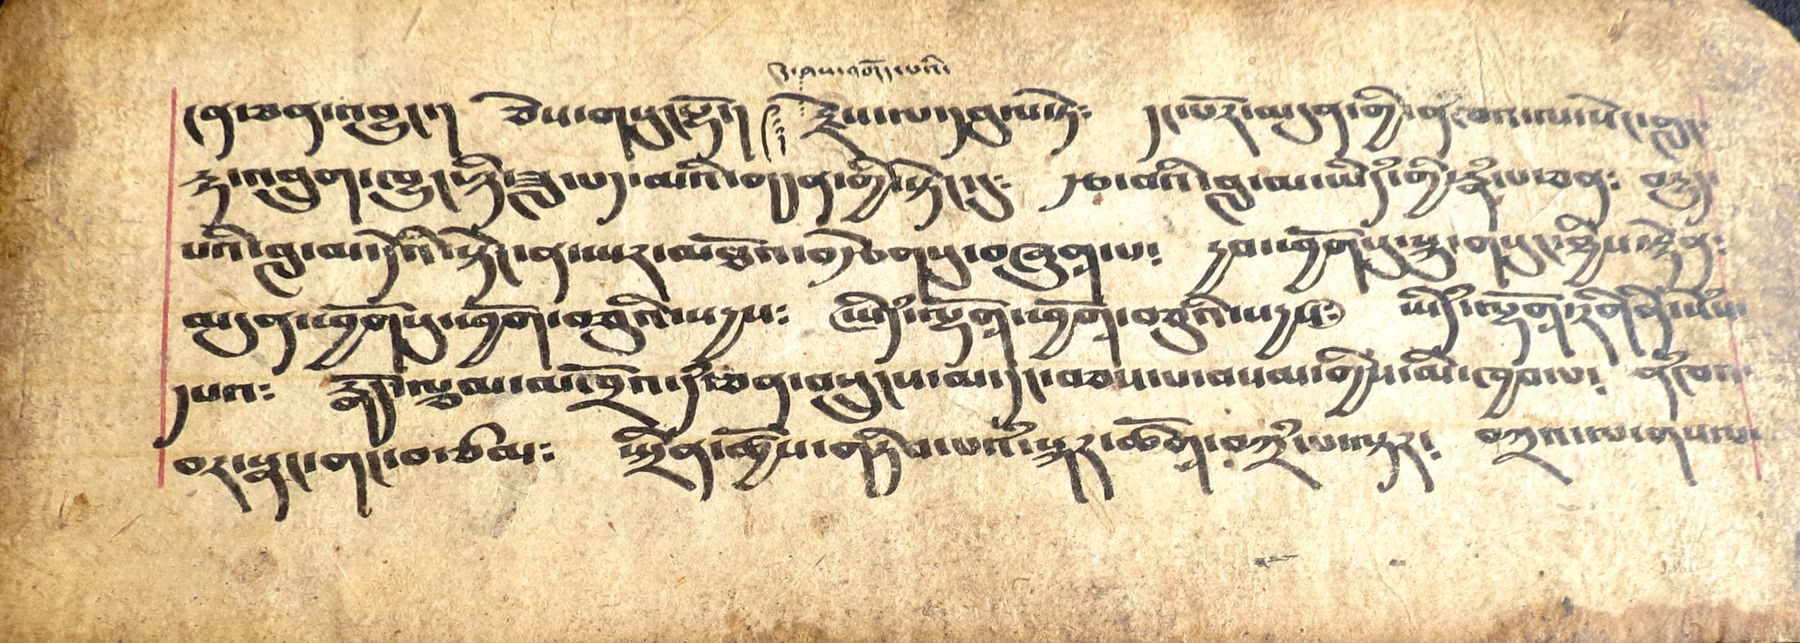ངན་ཅན་འབྱུང་ཞེས་གསུངས་སོ། ། དེ་ནས་བཀོད་པའི་རྗེས་ལ་དབུལ་ཏེ། དང་པོར་མདུན་གྱི་ནམ་མཁའ་ལ། སེང་གེ་གླང་ཆེན་
རྟ་འབྲུག་ཁྱུང་ཉི་ཟླ་པདྨའི་གདན་སྟེང་སུ་རྩ་བའི་བླ་མ་ཡི་དམ་གྱི་རྣམ་པ་ཅན། བརྒྱུད་
པའི་བླ་མ་དེ་ཡི་སྟེང་ན་ཡར་མཐོ་བརྩེགས་སུ་བཞུགས་པ། རྒྱབ་ཕྱོགས་སུ་སྐུ་གསུང་ཐུགས་ཀྱི་རྟེན། 
མདུན་ཕྱོགས་སུ་ཕྱོགས་བཅུའི་སངས་རྒྱས། ཡི་དམ་གྱི་ལྷ་ཚོགས་རིག་འཛིན་སེམས་
དཔའ། རྒོད་ལྕམ་མཁའ་འགྲོ་དམ་ཅན་སྲུང་མ་དང་བཅས་པ་བསམ་གྱིས་མི་ཁྱབ་པ། ནམ་མཁའ་
བར་སྣང་གང་བ་ཙམ། སྤྲིན་གཏིབས་པའམ། སྐར་ཚོགས་བཀྲ་བ་ལྟར་བཀྲ་ལ་གསལ་